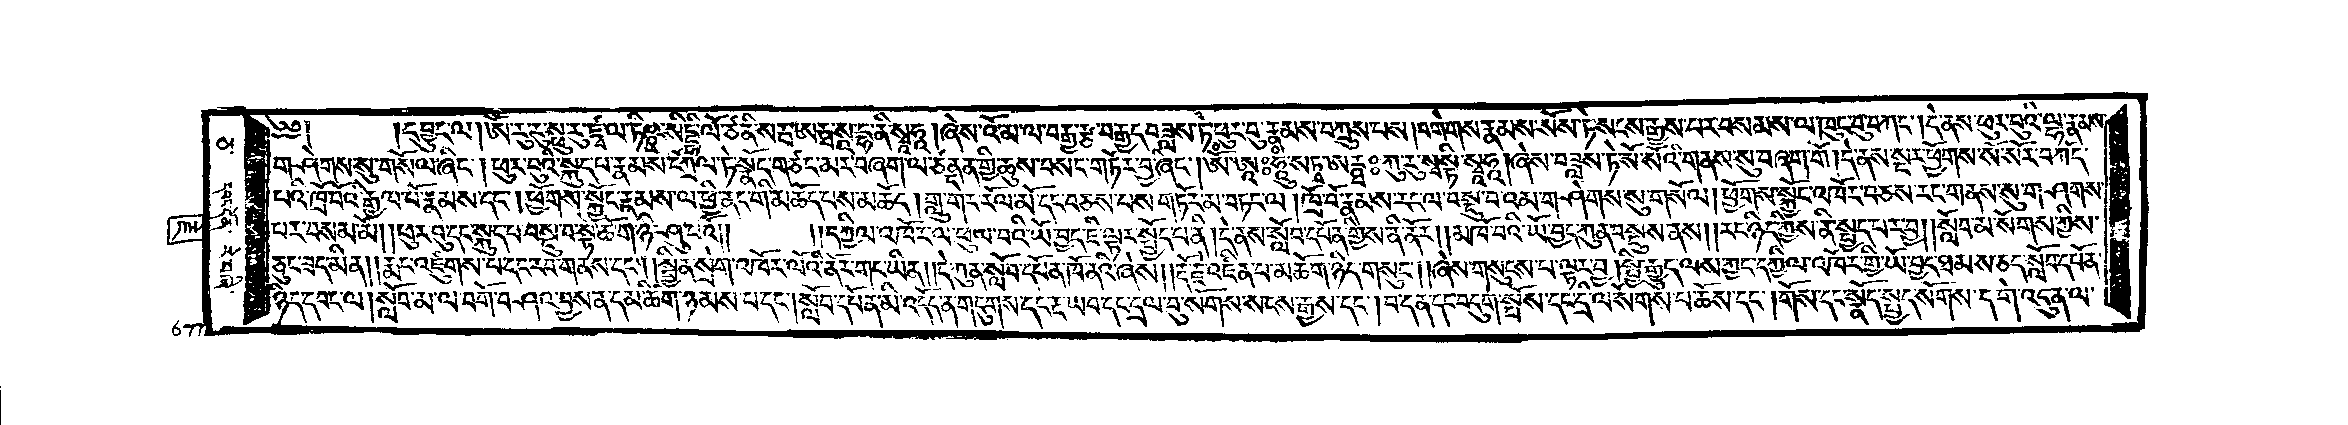༄༅། །དབྱུང་ལ། ཨོཾ་རུ་རུ་སྥུ་རུ་ཛྭ་ལ་ཏིཥཊཿཨ་སིདྡྷི་ལོ་ཙ་ནི་སརྦ་ཨརྠ་སཱ་དྷ་ནི་སྭཱ་ཧཱ། ཞེས་འོ་མ་ལ་བརྒྱ་རྩ་བརྒྱད་བཟླས་ཏེ་ཕུར་བུ་རྣམས་བཀྲུས་པས། བགེགས་རྣམས་སོས་ཏེ་སངས་རྒྱས་པར་བསམས་ལ་ཁུང་བུ་བཀང་། དེ་ནས་ཕུར་བུའི་ལྷ་རྣམས་
གཤེགས་སུ་གསོལ་ཞིང་། ཕུར་བུའི་སྐུད་པ་རྣམས་དཀྲོལ་ཏེ་སྣོད་གཙང་མར་བཞག་ལ་ཙནྡན་གྱི་ཆུས་བསང་གཏོར་བྱ་ཞིང་། ཨོཾ་ཨཱཿ ཧཱུཾ་སཏྭ་ཨརྠཿ ཀུ་རུ་སྭ་སྟི་སྭཱ་ཧཱ། ཞེས་བཟླས་ཏེ་སོ་སོའི་གནས་སུ་བཞག་གོ །དེ་ནས་སྔར་ཕྱོགས་སོ་སོར་བཀོད་
པའི་ཁྲོ་བོའི་རྒྱལ་པོ་རྣམས་དང་། ཕྱོགས་སྐྱོང་རྣམས་ལ་ཕྱི་ནང་གི་མཆོད་པས་མཆོད། གླུ་གར་རོལ་མོ་དང་བཅས་པས་གཏོར་མ་བཏང་ལ། ཁྲོ་བོ་རྣམས་རང་ལ་བསྡུ་བ་འམ་གཤེགས་སུ་གསོལ། ཕྱོགས་སྐྱོང་འཁོར་བཅས་རང་གནས་སུ་གཤགས་
པར་བསམ་མོ། །ཕུར་བུ་དང་སྐུད་པ་བསྡུ་བ་སྟེ་ཆོ་ག་ཉི་ཤུ་པའོ།། །།དཀྱིལ་འཁོར་ལ་ཕུལ་བའི་ཡོ་བྱད་ཇི་ལྟར་སྤྱོད་པ་ནི། དེ་ནས་སློབ་དཔོན་གྱིས་ནི་ནོར། །མཁོ་བའི་ཡོ་བྱད་ཀུན་བསྡུས་ནས། །རང་ཉིད་ཀྱིས་ནི་སྤྱད་པར་བྱ། །སློབ་མ་སོགས་ཀྱིས་
ཅུང་ཟད་མིན། །རྨང་འཛུགས་པ་དང་རབ་གནས་དང་། །སྦྱིན་སྲེག་འཁོར་ལོའི་ནོར་གང་ཡིན། །དེ་ཀུན་སློབ་དཔོན་ཁོ་ནའི་ཞེས། །རྡོ་རྗེ་འཛིན་པ་མཆོག་ཉིད་གསུང་། །ཞེས་གསུངས་པ་ལྟར་བྱ། སྤྱི་རྒྱུད་ལས་ཀྱང་དཀྱིལ་འཁོར་གྱི་ཡོ་བྱད་ཐམས་ཅད་སློབ་དཔོན་
ཉིད་དབང་ལ། སློབ་མ་ལ་བགོ་བཤའ་བྱས་ན་དམ་ཚིག་ཉམས་པ་དང་། སློབ་དཔོན་མི་འདོད་ན་གདུགས་དང་རྔ་ཡབ་དང་དྲིལ་བུ་སོགས་སངས་རྒྱས་དང་། བ་དན་དང་བདུག་སྤོས་དང་དྲི་ལ་སོགས་པ་ཆོས་དང་། གོས་དང་སྣོད་སྤྱད་སོགས་དགེ་འདུན་ལ་